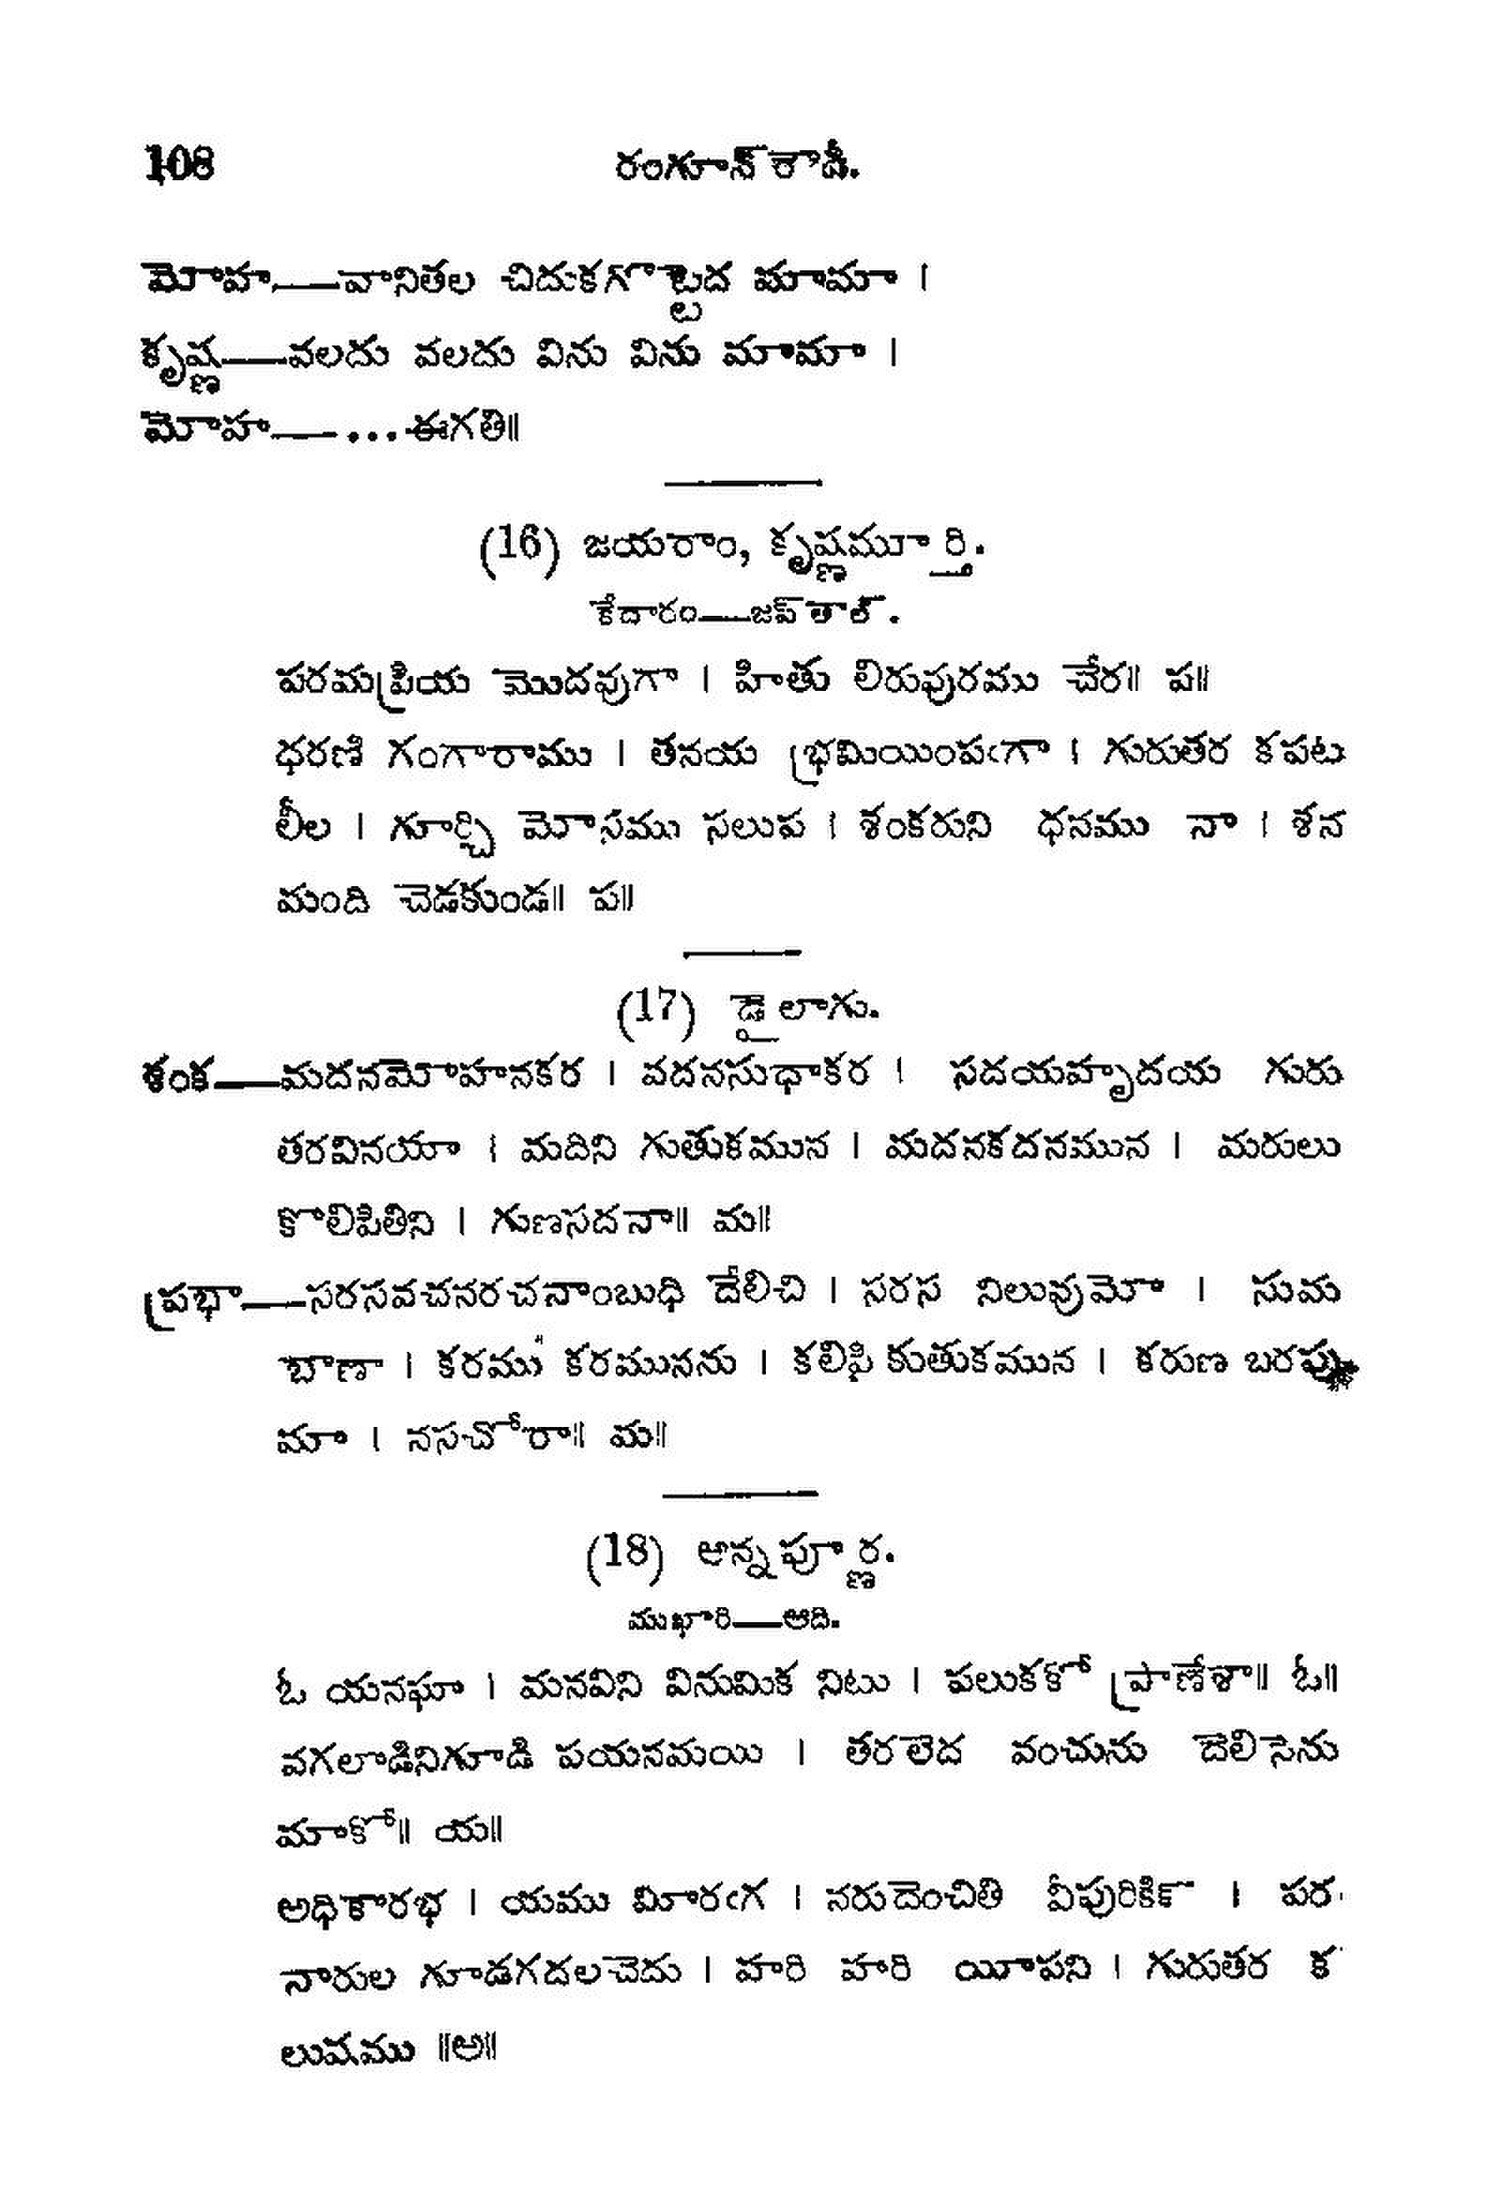మోహ - వానితల చిదుకగొట్టెద మామా |
కృష్ణ - వలదు వలదు విను విను మామా |
మోహ - ఈగతి||

పరమప్రియ మొదవుగా | హితు లిరువురము చేర!! ప!!
ధరణి గంగారాము | తనయ భ్రమియింపఁగా ! గురుతర కపట
లీల | గూర్చి మోసము సలుప | శంకరుని ధనము నా ! శన
మంది చెడకుండ|| ప|

శంక - మదనమోహనకర | వదనసుధాకర ! సదయహృదయ గురుతరవినయా ! మదిని గుతుకమున | మదనకదనమున | మరులు కొలిపితిని | గుణసదనా| మ||

ప్రభా - సరసవచనరచనాంబుధి దేలిచి | సరస నిలువుమో | సుమ బాణా | కరము కరమునను | కలిపి కుతుకమున | కరుణ బరపు మా | నసచోరా మ!!

ఓ యనఘా ! మనవిని వినుమిక నిటు | పలుకకో ప్రాణేశా || ఓ ||
వగలాడినిగూడి పయనమయి | తరలెద వంచును దెలిసెను
మాకో॥ య||
అధికారభ | యము మీరఁగ | నరుదెంచితి వీపురికిన్ | పర
నారుల గూడగదలచెదు | హరి హరి యీపని | గురుతర క
లుషము ||అ!!